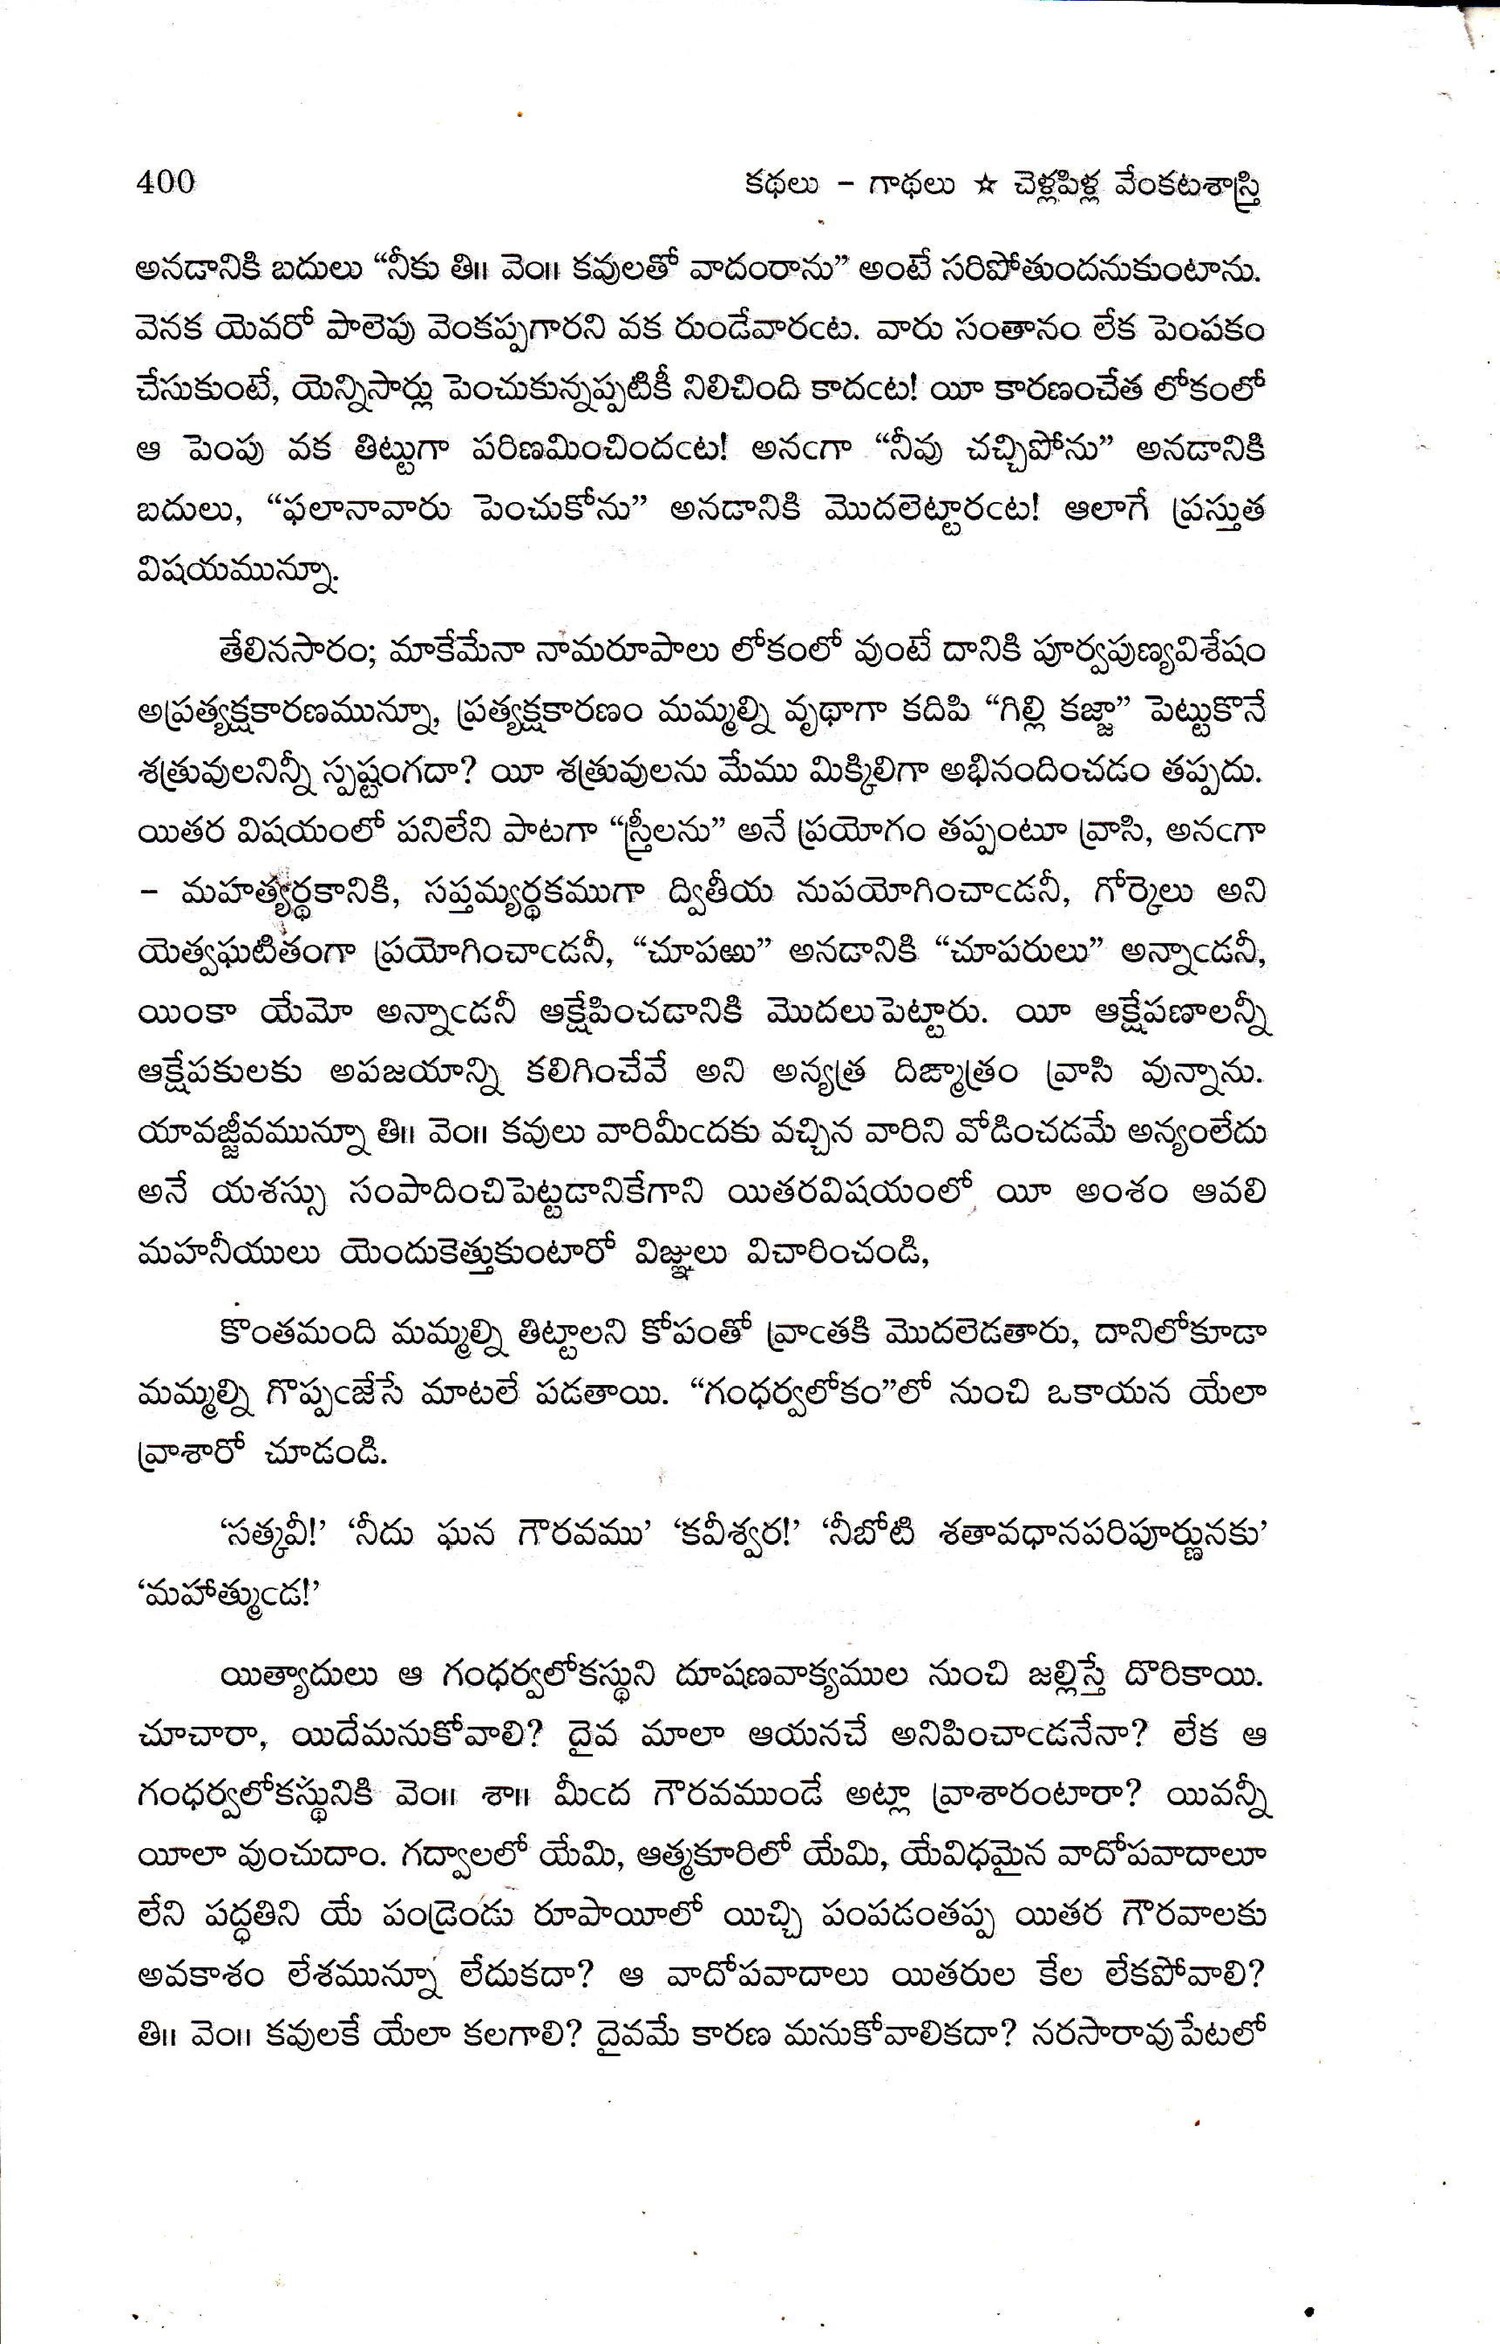అనడానికి బదులు “నీకు తి|| వెం|| కవులతో వాదంరాను" అంటే సరిపోతుందనుకుంటాను. వెనక యెవరో పాలెపు వెంకప్పగారని వక రుండేవారఁట. వారు సంతానం లేక పెంపకం చేసుకుంటే, యెన్నిసార్లు పెంచుకున్నప్పటికీ నిలిచింది కాదఁట! యీ కారణంచేత లోకంలో ఆ పెంపు వక తిట్టుగా పరిణమించిందఁట! అనఁగా “నీవు చచ్చిపోను” అనడానికి బదులు, “ఫలానావారు పెంచుకోను” అనడానికి మొదలెట్టారఁట! ఆలాగే ప్రస్తుత విషయమున్నూ

తేలినసారం; మాకేమేనా నామరూపాలు లోకంలో వుంటే దానికి పూర్వపుణ్యవిశేషం అప్రత్యక్షకారణమున్నూ ప్రత్యక్షకారణం మమ్మల్ని వృథాగా కదిపి "గిల్లి కజ్ఞా" పెట్టుకొనే శత్రువులనిన్నీ స్పష్టంగదా? యీ శత్రువులను మేము మిక్కిలిగా అభినందించడం తప్పదు. యితర విషయంలో పనిలేని పాటగా "స్త్రీలను" అనే ప్రయోగం తప్పంటూ వ్రాసి, అనంగా - మహత్యర్థకానికి, సప్తమ్యర్థకముగా ద్వితీయ నుపయోగించాఁడనీ, గోర్కెలు అని యెత్వఘటితంగా ప్రయోగించాఁడనీ, “చూపఱు” అనడానికి “చూపరులు" అన్నాఁడనీ, యింకా యేమో అన్నాఁడనీ ఆక్షేపించడానికి మొదలుపెట్టారు. యీ ఆక్షేపణాలన్నీ ఆక్షేపకులకు అపజయాన్ని కలిగించేవే అని అన్యత్ర దిఙ్మాత్రం వ్రాసి వున్నాను. యావజ్జీవమున్నూ తి|| వెం|| కవులు వారిమీఁదకు వచ్చిన వారిని వోడించడమే అన్యంలేదు అనే యశస్సు సంపాదించిపెట్టడానికేగాని యితరవిషయంలో యీ అంశం ఆవలి మహనీయులు యెందుకెత్తుకుంటారో విజ్ఞులు విచారించండి,

కొంతమంది మమ్మల్ని తిట్టాలని కోపంతో వ్రాఁతకి మొదలెడతారు, దానిలోకూడా మమ్మల్ని గొప్పఁజేసే మాటలే పడతాయి. "గంధర్వలోకం"లో నుంచి ఒకాయన యేలా వ్రాశారో చూడండి.

సత్కవీ! 'నీదు ఘన గౌరవము' 'కవీశ్వర!' 'నీబోటి శతావధానపరిపూర్జునకు’ ‘మహాత్ముఁడ!'

యిత్యాదులు ఆ గంధర్వలోకస్థుని దూషణవాక్యముల నుంచి జల్లిస్తే దొరికాయి. చూచారా, యిదేమనుకోవాలి? దైవ మాలా ఆయనచే అనిపించాcడనేనా? లేక ఆ గంధర్వలోకస్థునికి వెంll శాII మీఁద గౌరవముండే అట్లా వ్రాశారంటారా? యివన్నీ యీలా వుంచుదాం. గద్వాలలో యేమి, ఆత్మకూరిలో యేమి, యేవిధమైన వాదోపవాదాలూ లేని పద్ధతిని యే పండ్రెండు రూపాయిలో యిచ్చి పంపడంతప్ప యితర గౌరవాలకు అవకాశం లేశమున్నూ లేదుకదా? ఆ వాదోపవాదాలు యితరుల కేల లేకపోవాలి? తి|| వెం|| కవులకే యేలా కలగాలి? దైవమే కారణ మనుకోవాలికదా? నరసారావుపేటలో